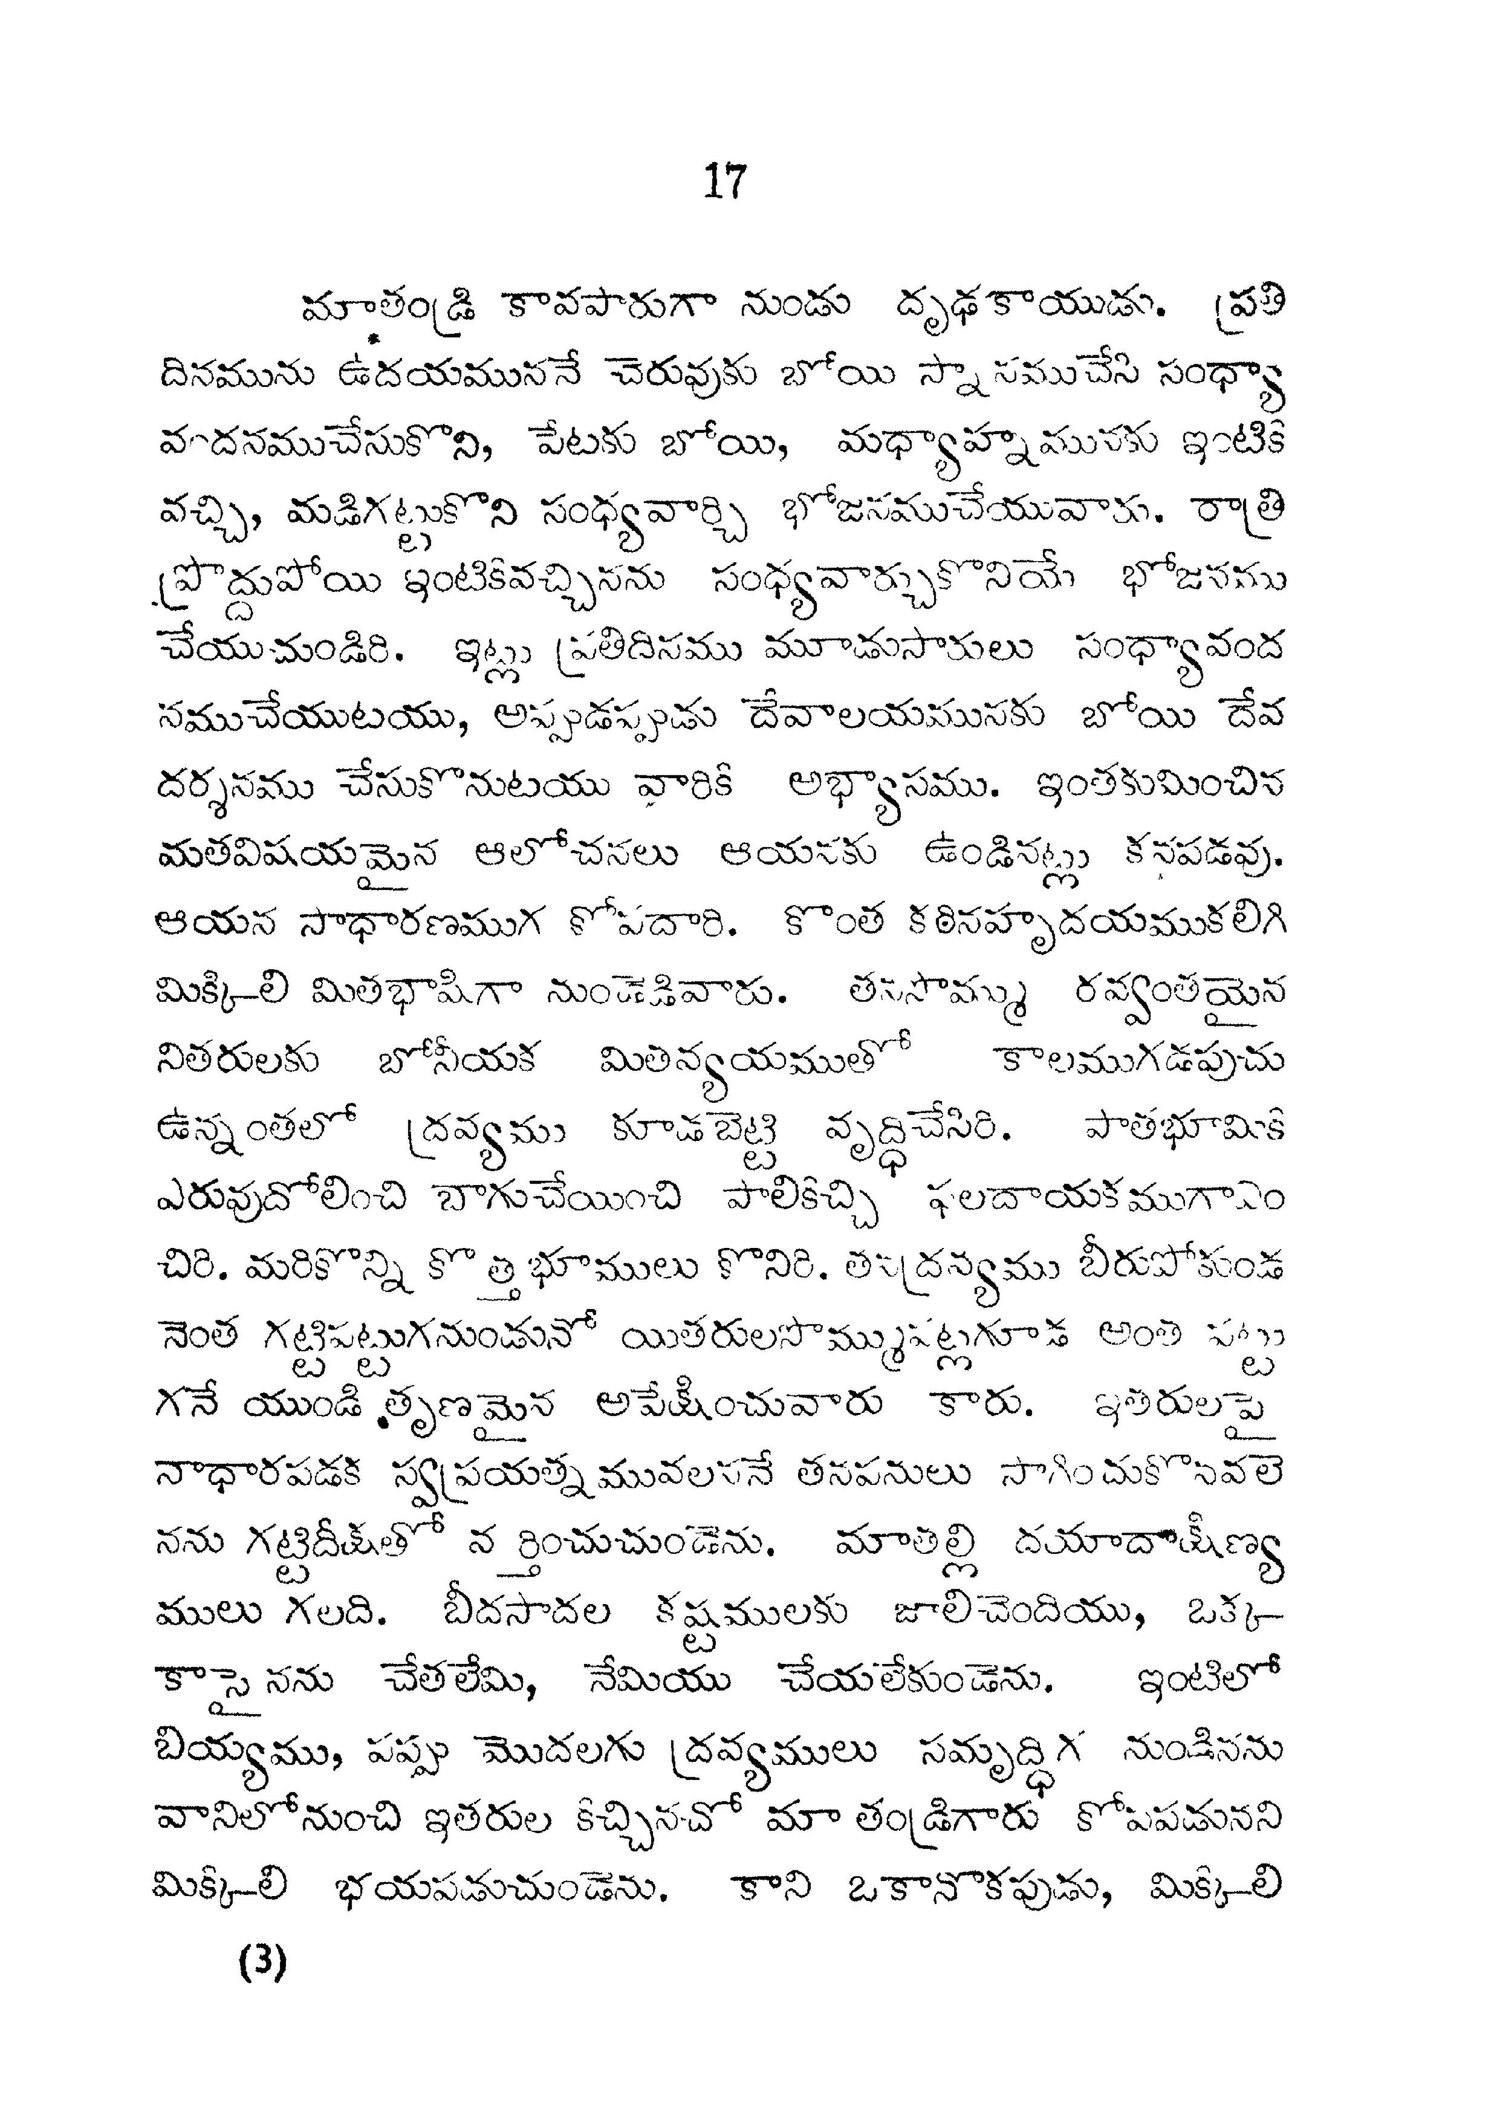మాతండ్రి కావపారుగా నుండు దృడకాయుడు. ప్రతిదినమును ఉదయముననే చెరువుకు బోయి స్నానముచేసి సంధ్యావందనముచేసుకొని, పేటకు బోయి, మధ్యాహ్నమునకు ఇంటికి వచ్చి, మడిగట్టుకొని సంధ్యవార్చి భోజనముచేయువారు. రాత్రి ప్రొద్దుపోయి ఇంటికివచ్చినను సంధ్యవార్చుకొనియే భోజనము చేయుచుండిరి. ఇట్లు ప్రతిదినము మూడుసారులు సంధ్యావందనము చేయుటయు, అప్పుడప్పుడు దేవాలయమునకు బోయి దేవదర్శనము చేసుకొనుటయు వారికి అభ్యాసము. ఇంతకుమించిన మతవిషయమైన ఆలోచనలు ఆయనకు ఉండినట్లు కనపడవు. ఆయన సాధారణముగ కోపదారి. కొంత కఠినహృదయముకలిగి మిక్కిలి మితభాషిగా నుండెడివారు. తనసొమ్ము రవ్వంతయైన నితరులకు బోనీయక మితవ్యయముతో కాలముగడపుచు ఉన్నంతలో ద్రవ్యము కూడబెట్టి వృద్ధిచేసిరి. పాతభూమికి ఎరువుదోలించి బాగుచేయించి పాలికిచ్చి ఫలదాయకముగావించిరి. మరికొన్ని కొత్త భూములు కొనిరి. తనద్రవ్యము బీరుపోకుండ నెంత గట్టిపట్టుగనుండునో యితరులసొమ్ముపట్లగూడ అంత పట్టుగనే యుండి తృణమైన అపేక్షించువారు కారు. ఇతరులపై నాధారపడక స్వప్రయత్నమువలననే తనపనులు సాగించుకొనవలెనను గట్టిదీక్షతో వర్తించుచుండెను. మాతల్లి దయాదాక్షిణ్యములు గలది. బీదసాదల కష్టములకు జాలిచెందియు, ఒక్క కాసైనను చేతలేమి, నేమియు చేయలేకుండెను. ఇంటిలో బియ్యము, పప్పు మొదలగు ద్రవ్యములు సమృద్ధిగ నుండినను వానిలోనుంచి ఇతరుల కిచ్చినచో మాతండ్రిగారు కోపపడునని మిక్కిలి భయపడుచుండెను. కాని ఒకానొకపుడు, మిక్కిలి